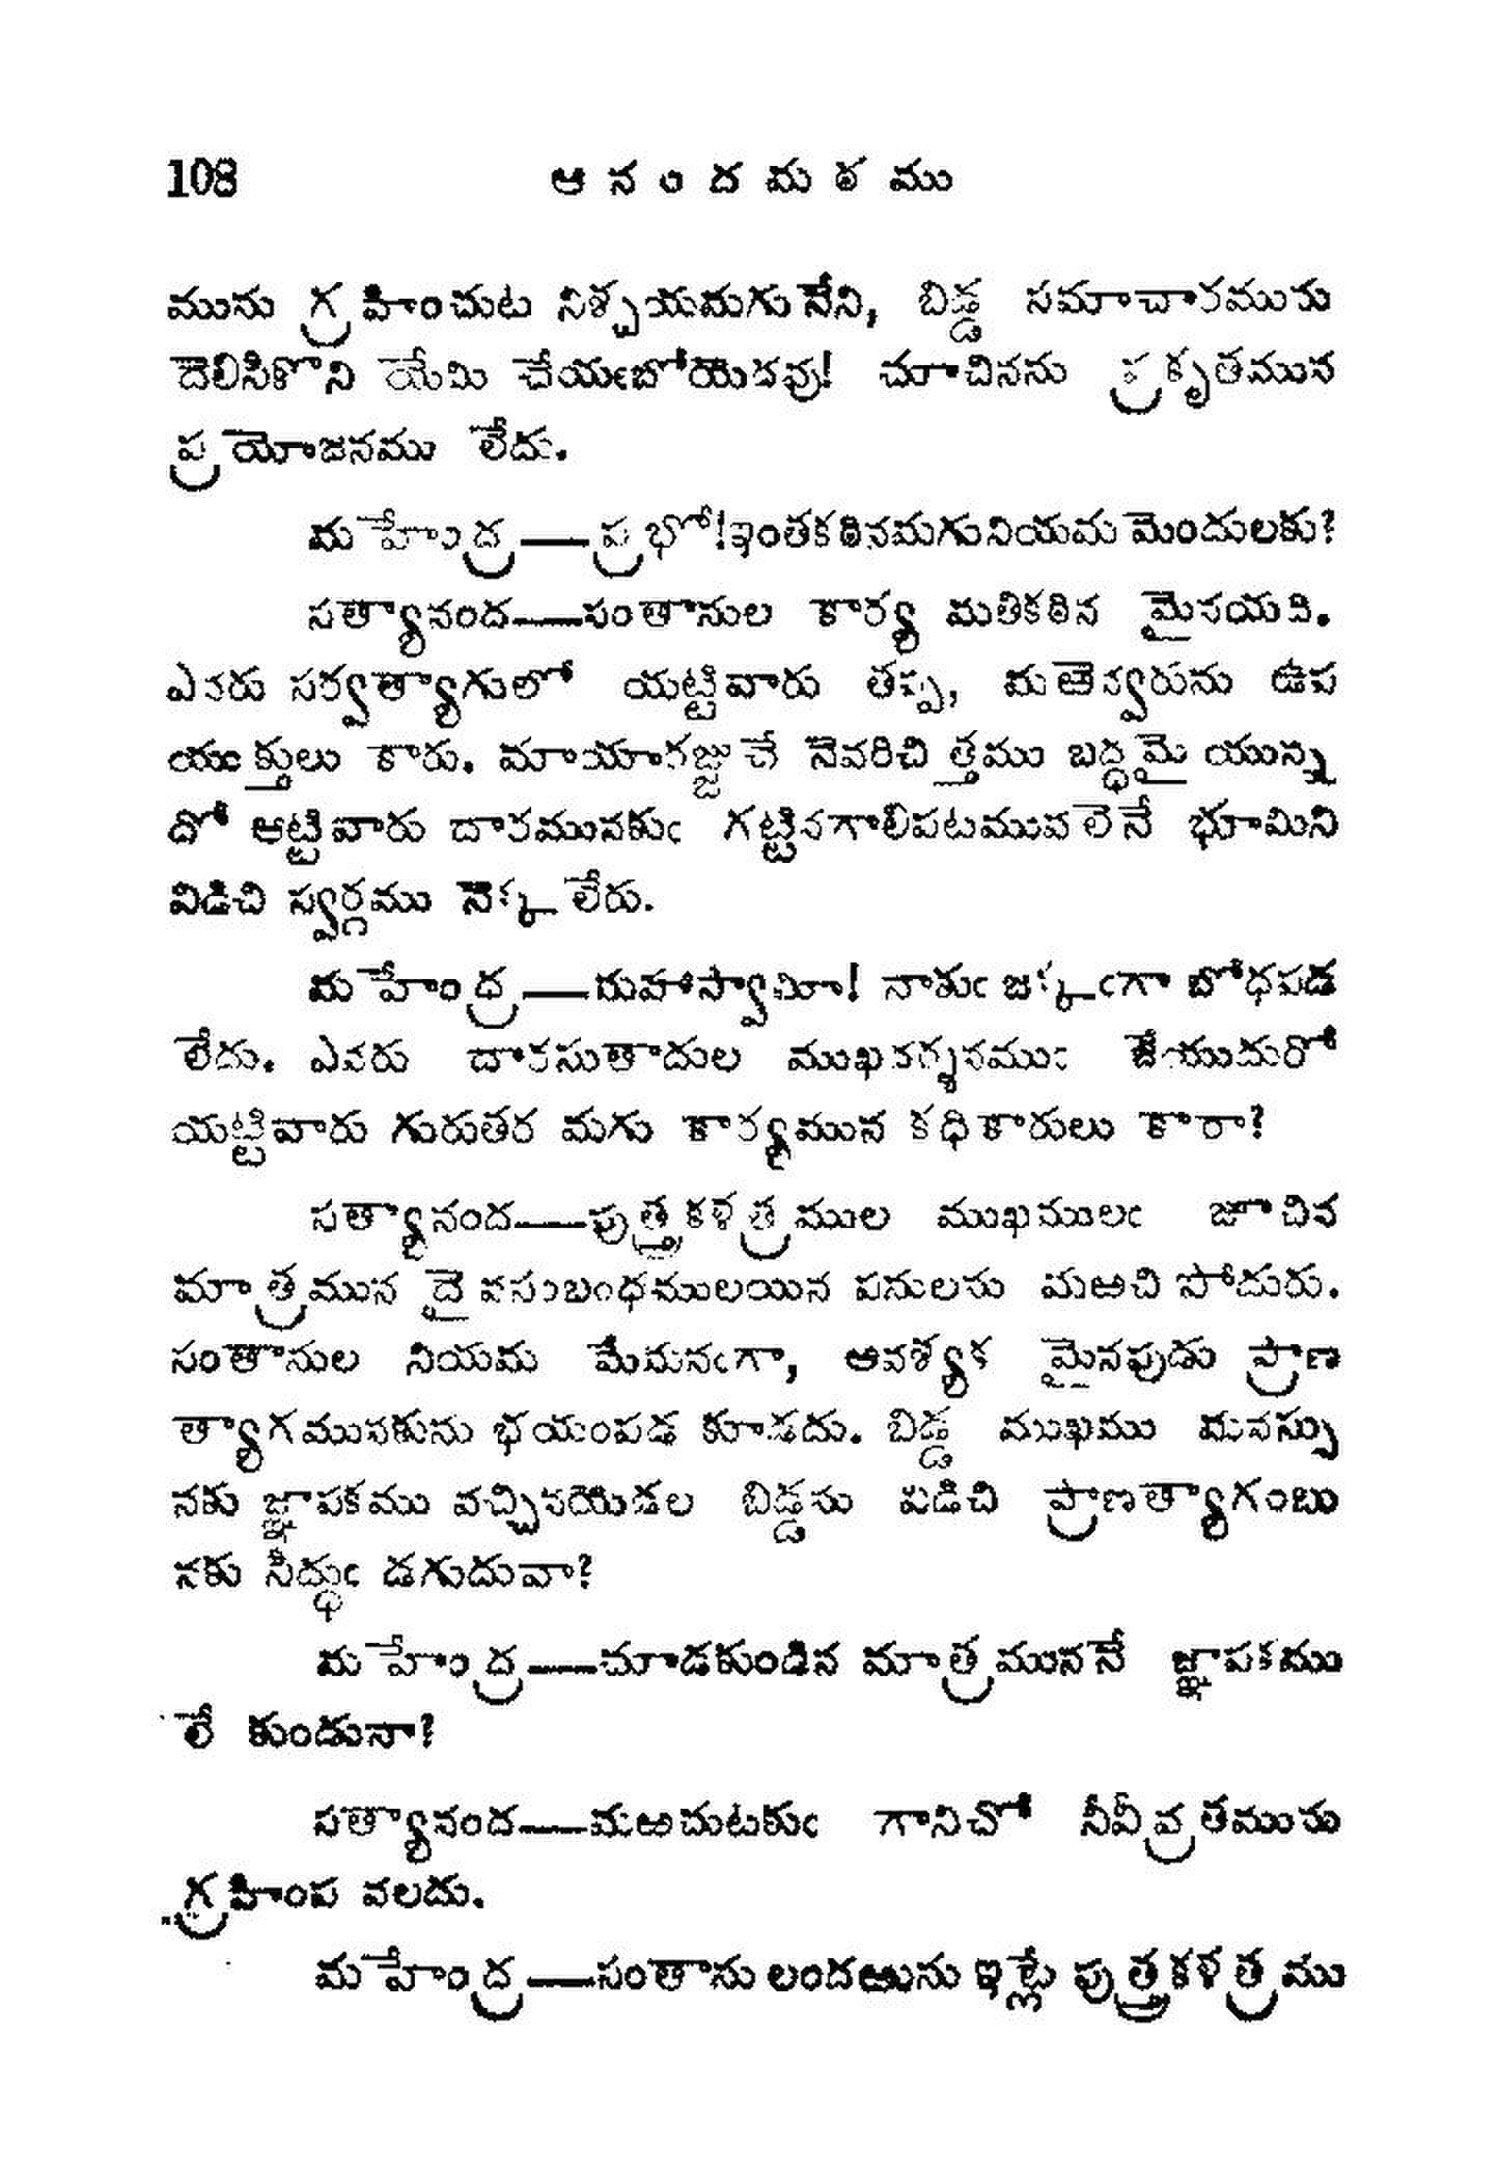మును గ్రహించుట నిశ్చయమగు నేని, బిడ్డ సమాచారమును దెలిసికొని యేమి చేయఁబోయెదవు! చూచినను ప్రకృతమున
ప్రయోజనము లేదు.

మహేంద్ర—— ప్రభో! ఇంతకఠినమగు నియమ మెందులకు?

సత్యానంద——సంతానుల కార్య మతికఠిన మైనయది. ఎవరు సర్వత్యాగులో యట్టివారు తప్ప, మఱెవ్వరును ఉపయుక్తులు కారు. మాయాగజ్జుచే నెవరిచిత్తము బద్ధమై యున్నదో అట్టి వారు దారమునకుఁ గట్టిన గాలిపటమువలెనే భూమిని విడిచి స్వర్గము నెక్క లేరు.

మహేంద్ర——మహాస్వామీ! నాకుఁ జక్కఁగా బోధపడ లేదు. ఎవరు దారసుతాదుల ముఖ దర్శనముఁ జేయుదురో యట్టివారు గురుతర మగు కార్యమున కధికారులు కారా?

సత్యానంద—— పుత్త కళత్రముల ముఖములఁ జూచిన మాత్రమున దైవసంబంధములయిన పనులను మఱచి పోదురు.
సంతానుల నియమ మేమనఁగా, ఆవశ్యక మైనపుడు ప్రాణ త్యాగమునకును భయంపడ కూడదు. బిడ్డ ముఖము మనస్సు
నకు జ్ఞాపకము వచ్చినయెడల బిడ్డను విడిచి ప్రాణ త్యాగంబునకు సిద్ధుఁ డగుదువా?

మహేంద్ర——చూడకుండిన మాత్రముననే జ్ఞాపకము లేకుండునా?

సత్యానంద—— మఱచుటకుఁ గానిచో నీవీ వ్రతమును గ్రహింప వలదు.

మహేంద్ర——సంతాను లందఱును ఇట్లే పుత్ర కళత్రము